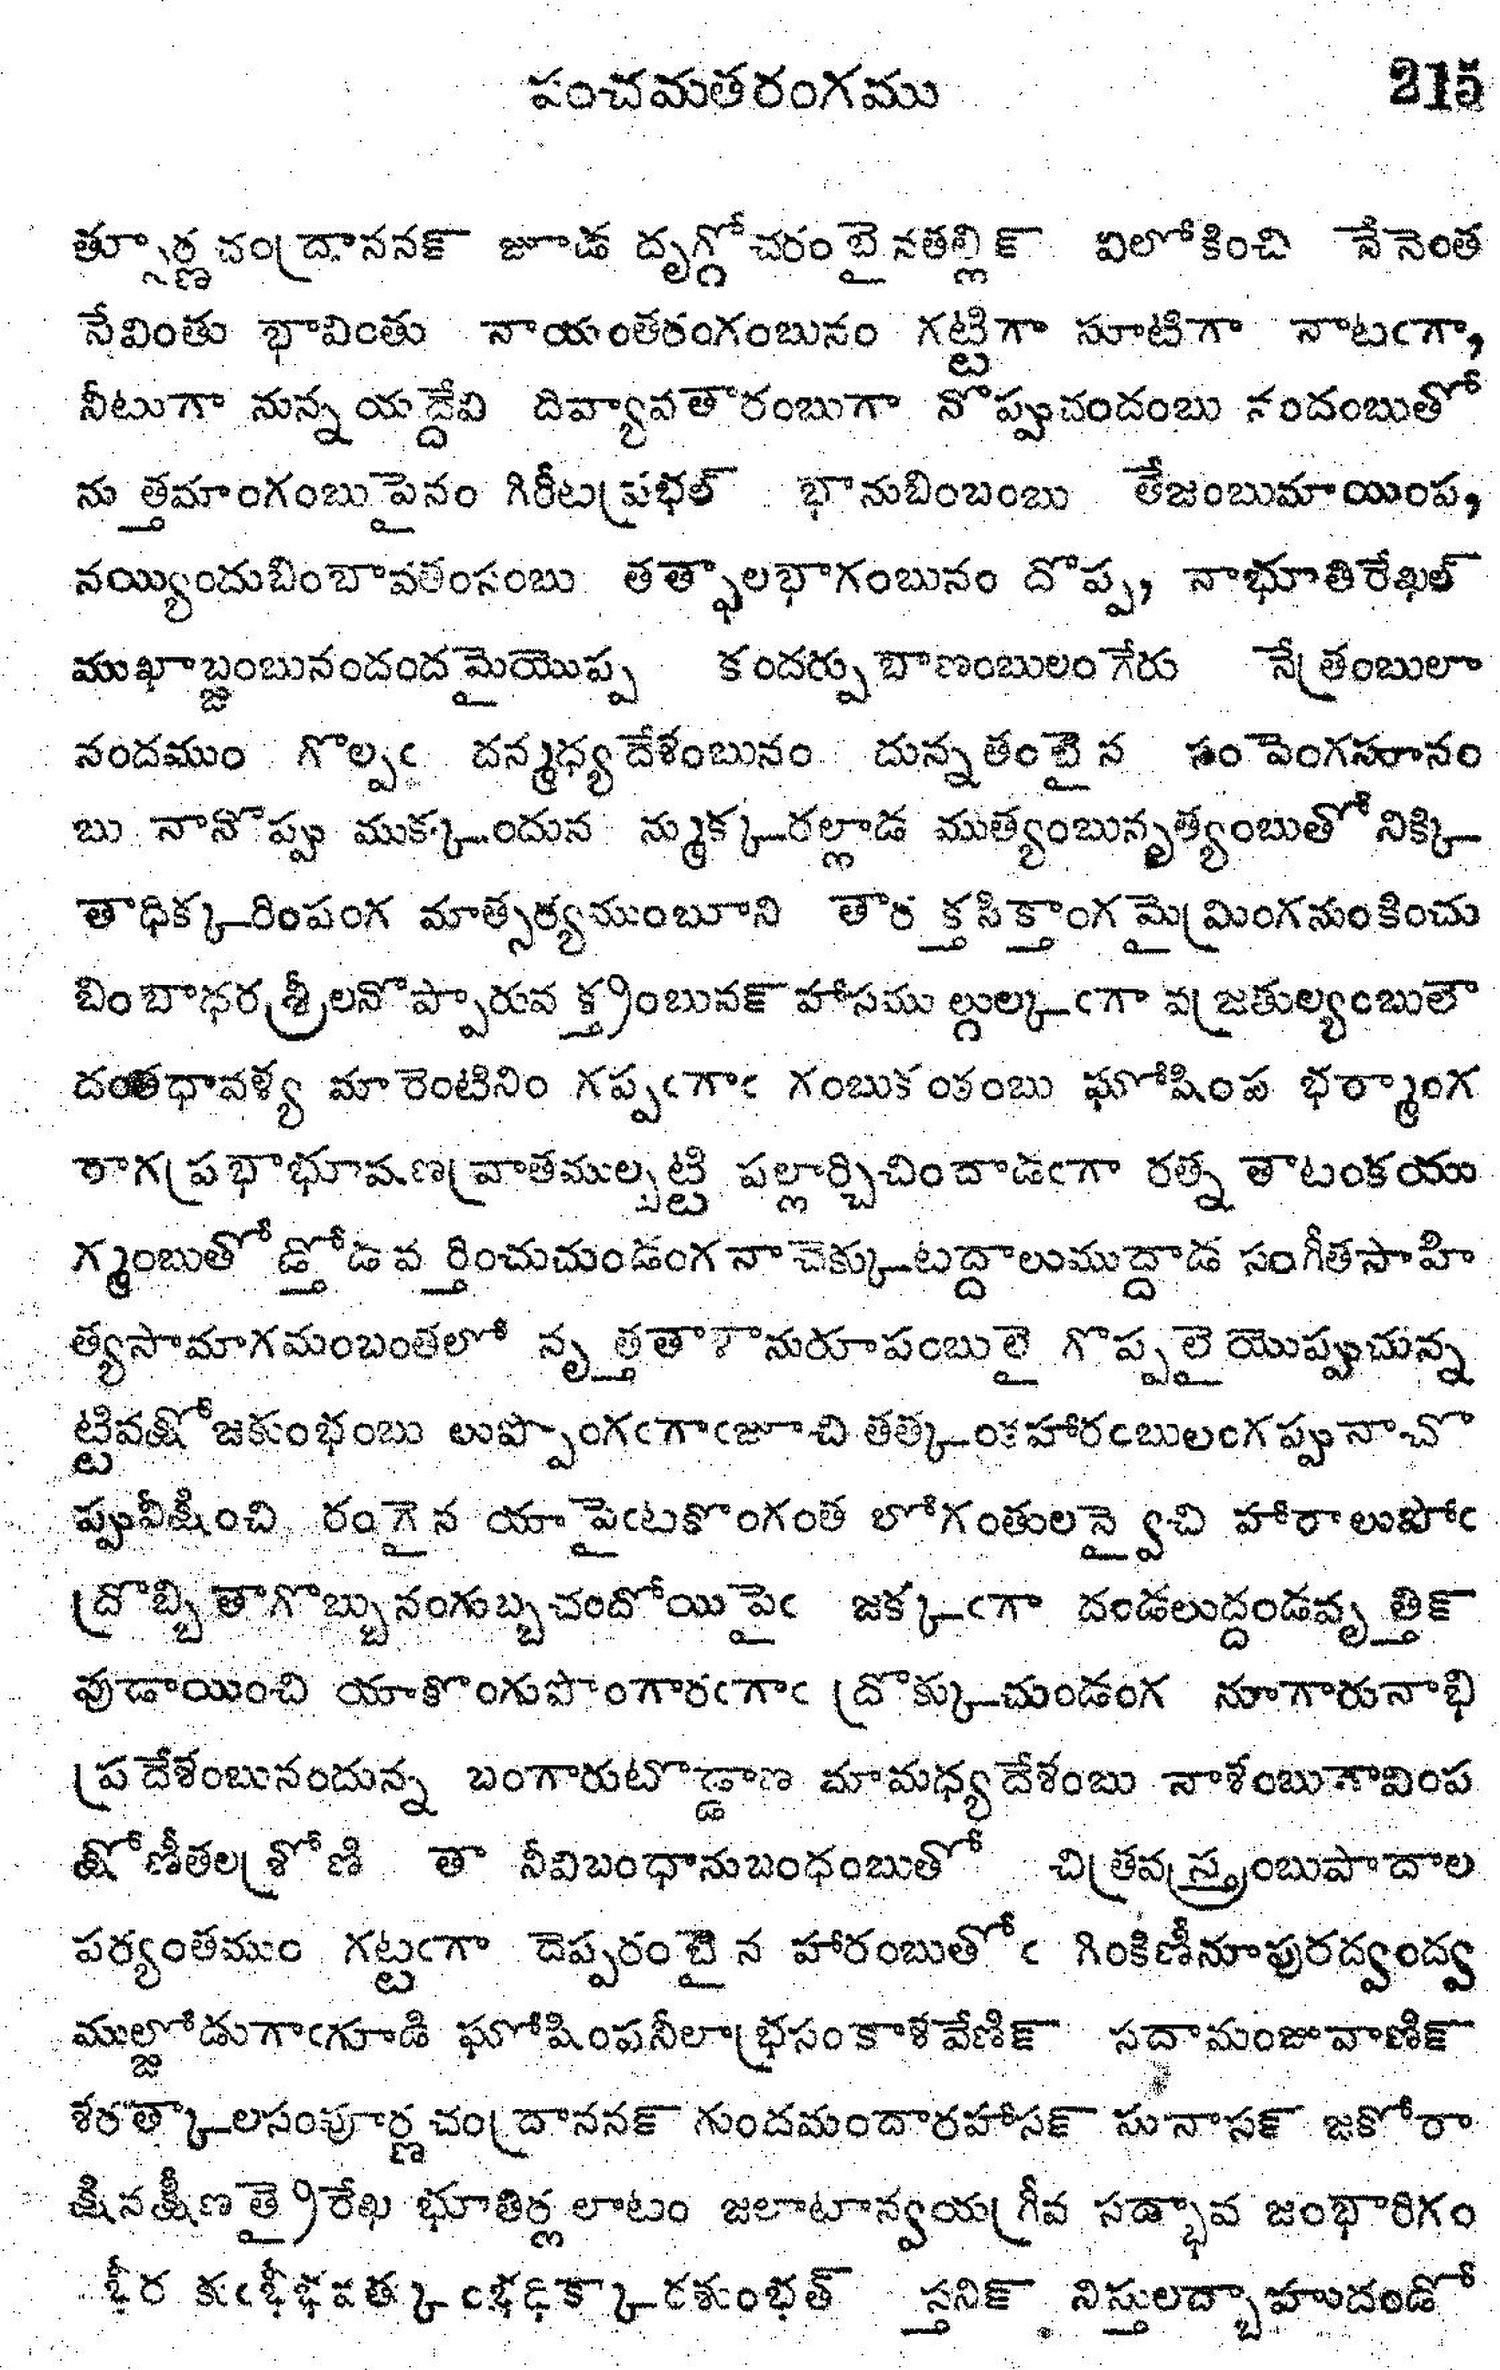త్పూర్ణచంద్రాననన్ జూడ దృగ్గోచరంబైనతల్లిన్ విలోకించి నేనెంత
సేవింతు భావింతు నాయంతరంగంబునం గట్టిగా సూటిగా నాటఁగా,
నీటుగా నున్నయద్దేవి దివ్యావతారంబుగా నొప్పుచందంబు నందంబుతో
నుత్తమాంగంబుపైనం గిరీటప్రభల్ భానుబింబంబు తేజంబు మాయింప,
నయ్యిందుబింబావతంసంబు తత్ఫాలభాగంబునం దొప్ప, నాభూతిరేఖల్
ముఖాబ్జంబునం దందమై యొప్ప కందర్పుబాణంబులం గేరు నేత్రంబు లా
నందముం గొల్పఁ దన్మధ్యదేశంబునం దున్నతంబైన సంపెంగసూనం
బు నానొప్పు ముక్కందున న్ముక్కరల్లాడ ముత్యంబు నృత్యంబుతో నిక్కి
తా ధిక్కరింపంగ మాత్సర్యముం బూని తా రక్తసిక్తాంగమై మ్రింగనుంకించు
బింబాధరశ్రీల నొప్పారు వక్త్రంబునన్ హాసము ల్గుల్కఁగా వజ్రతుల్యంబులౌ
దంతధావళ్య మారెంటినిం గప్పఁగాఁ గంబుకంఠంబు ఘోషింప భర్మాంగ
రాగప్రభాభూషణవ్రాతము ల్బట్టి పల్లార్చి చిందాడఁగా రత్నతాటంకుయు
గ్మంబుతోడ్తోడ వర్తించుచుండంగ నాచెక్కుటద్దాలు ముద్దాడ సంగీతసాహి
త్యసామాగమం బంతలో నృత్తతాళానురూపంబులై గొప్పలై యొప్పుచున్న
ట్టి వక్షోజకుంభంబు లుప్పొంగఁగా జూచి తత్కంఠహారంబుల్ గప్పు నాచొ
ప్పు వీక్షించి రంగైన యాపైఁటకొంగంత లోగంతుల న్వైచి హారాలు పోఁ
ద్రొబ్బి తా గొబ్బునం గుబ్బచందోయిపైఁ జక్కఁగా దండ లుద్దండవృత్తిన్
వుడాయించి యాకొంగుపొంగారఁగాఁ ద్రొక్కుచుండంగ నూగారునాభి
ప్రదేశంబునందును బంగారటొడ్డాణ మామధ్యదేశంబు నాశంబు గావింప
క్షోణీతలశ్రోణి తా నీవిబంధానుబంధంబుతో చిత్రవస్త్రంబు పాదాల
పర్యంతముం గట్టఁగా దెప్పరంబైన హారంబుతోఁ గింకిణీనూపురద్వంద్వ
ము ల్జోడుగాఁ గూడి ఘోషింప నీలాభ్రసంకాశవేణిన్ సదామంజువాణిన్
శరత్కాలసంపూర్ణచంద్రాననన్ గుందమందారహాసన్ సునాసన్ జకోరా
క్షినక్షీణత్రైరేఖ భూతిర్లలాటం జలాటాన్వయగ్రీవసద్భావజంభారిగం
భీరకుంభీభవత్కుంభధిక్కారశుంభత్ స్తనిన్ నిస్తులద్బాహుదండో